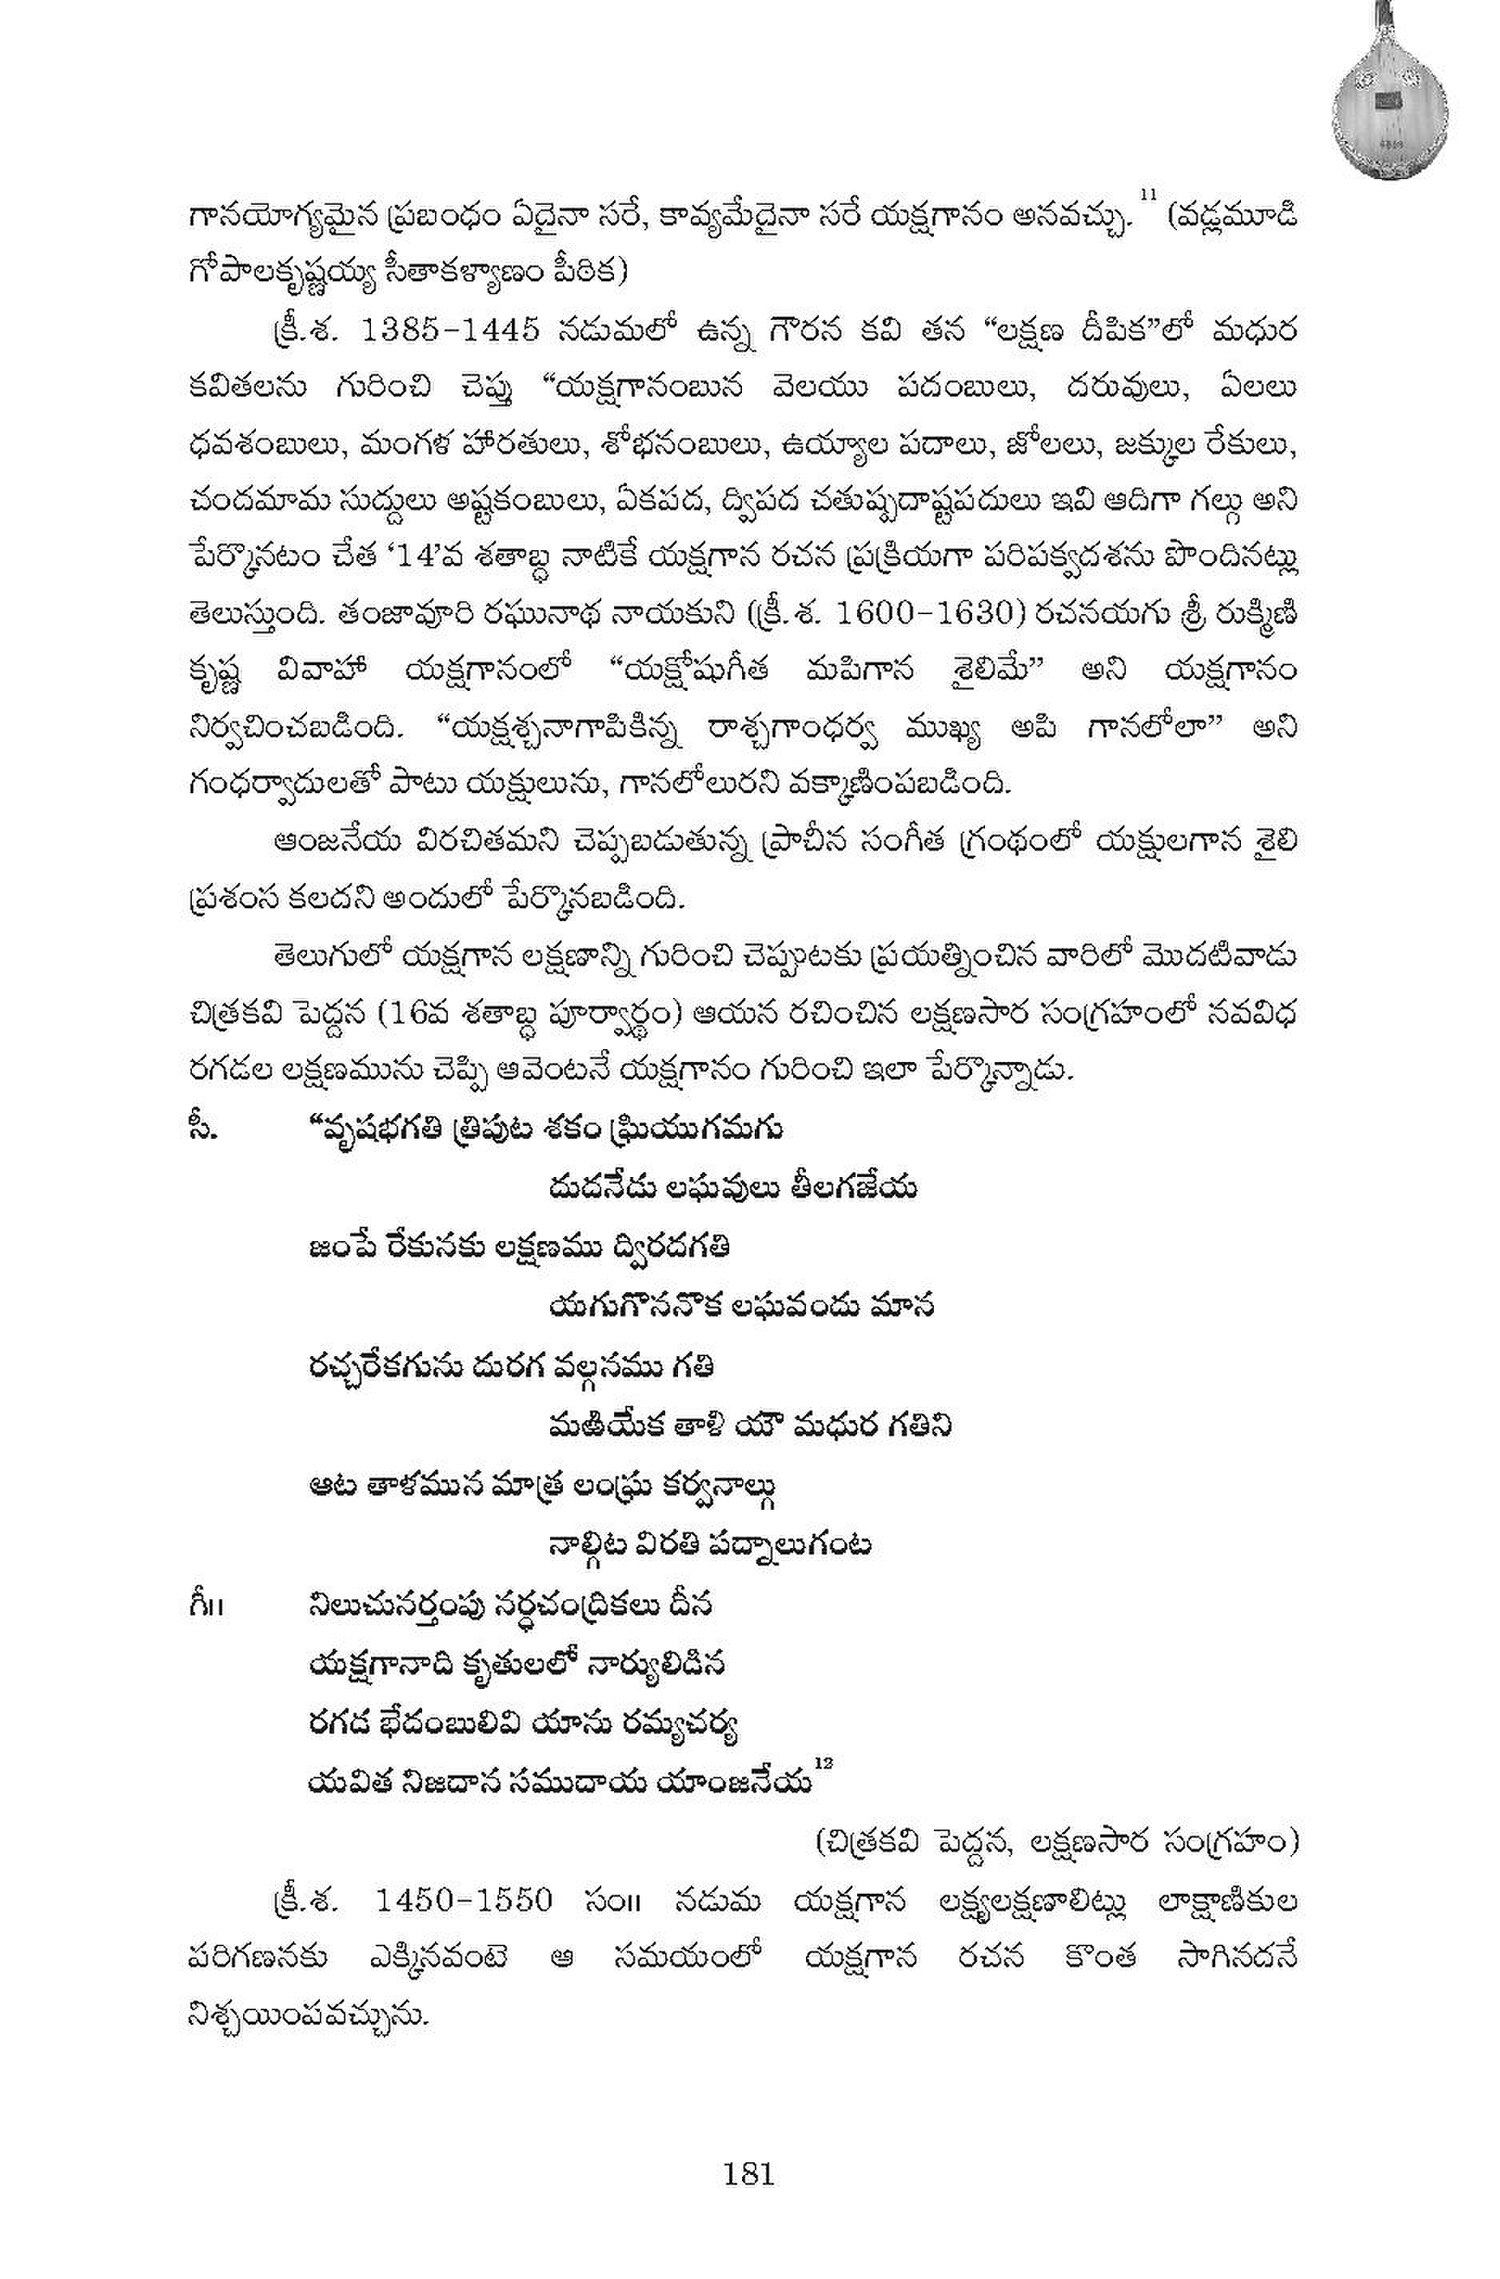గానయోగ్యమైన ప్రబంధం ఏదైనా సరే, కావ్యమేదైనా సరే యక్షగానం అనవచ్చు. (వడ్లమూడి గోపాలకృష్ణయ్య సీతాకళ్యాణం పీఠిక)

క్రీ.శ. 1385-1445 నడుమలో ఉన్న గౌరన కవి తన "లక్షణ దీపిక”లో మధుర కవితలను గురించి చెప్తు “యక్షగానంబున వెలయు పదంబులు, దరువులు, ఏలలు ధవశంబులు, మంగళ హారతులు, శోభనంబులు, ఉయ్యాల పదాలు, జోలలు, జక్కుల రేకులు, చందమామ సుద్దులు అష్టకంబులు, ఏకపద, ద్విపద చతుష్పదాష్టపదులు ఇవి ఆదిగా గల్గు అని
పేర్కొనటం చేత ‘14’వ శతాబ్ధ నాటికే యక్షగాన రచన ప్రక్రియగా పరిపక్వదశను పొందినట్లు తెలుస్తుంది. తంజావూరి రఘునాథ నాయకుని (క్రీ.శ. 1600-1630) రచనయగు శ్రీ రుక్మిణి కృష్ణ వివాహా యక్షగానంలో “యక్షోషుగీత మపిగాన శైలిమే” అని యక్షగానం నిర్వచించబడింది. "యక్షశ్చనాగాపికిన్న రాశ్చగాంధర్వ ముఖ్య అపి గానలోలా” అని
గంధర్వాదులతో పాటు యక్షులును, గానలోలురని వక్కాణింపబడింది.

ఆంజనేయ విరచితమని చెప్పబడుతున్న ప్రాచీన సంగీత గ్రంథంలో యక్షులగాన శైలి ప్రశంస కలదని అందులో పేర్కొనబడింది.

తెలుగులో యక్షగాన లక్షణాన్ని గురించి చెప్పుటకు ప్రయత్నించిన వారిలో మొదటివాడు చిత్రకవి పెద్దన (16వ శతాబ్ధ పూర్వార్థం) ఆయన రచించిన లక్షణసార సంగ్రహంలో నవవిధ రగడల లక్షణమును చెప్పి ఆవెంటనే యక్షగానం గురించి ఇలా పేర్కొన్నాడు.

సీ. “వృషభగతి త్రిపుట శకం ఫ్రియుగమగు
 దుదనేడు లఘవులు తొలగజేయ
జంపే రేకునకు లక్షణము ద్విరదగతి
 యగుగొననొక లఘవందు మాన
రచ్చరేకగును దురగ వల్గనము గతి
 మఱియేక తాళి యౌ మధుర గతిని
ఆట తాళమున మాత్ర లంఘ్ర కర్వనాల్గు
 నాల్గిట విరతి పద్నాలుగంట

గీ. నిలుచునర్తంపు నర్ధచంద్రికలు దీన
యక్షగానాది కృతులలో నార్యులిడిన
రగడ భేదంబులివి యాను రమ్యచర్య
యవిత నిజదాన సముదాయ యాంజనేయ

(చిత్రకవి పెద్దన, లక్షణసార సంగ్రహం)

క్రీ.శ. 1450-1550 సం॥ నడుమ యక్షగాన లక్ష్యలక్షణాలిట్లు లాక్షాణికుల పరిగణనకు ఎక్కినవంటే ఆ సమయంలో యక్షగాన రచన కొంత సాగినదనే నిశ్చయింపవచ్చును.